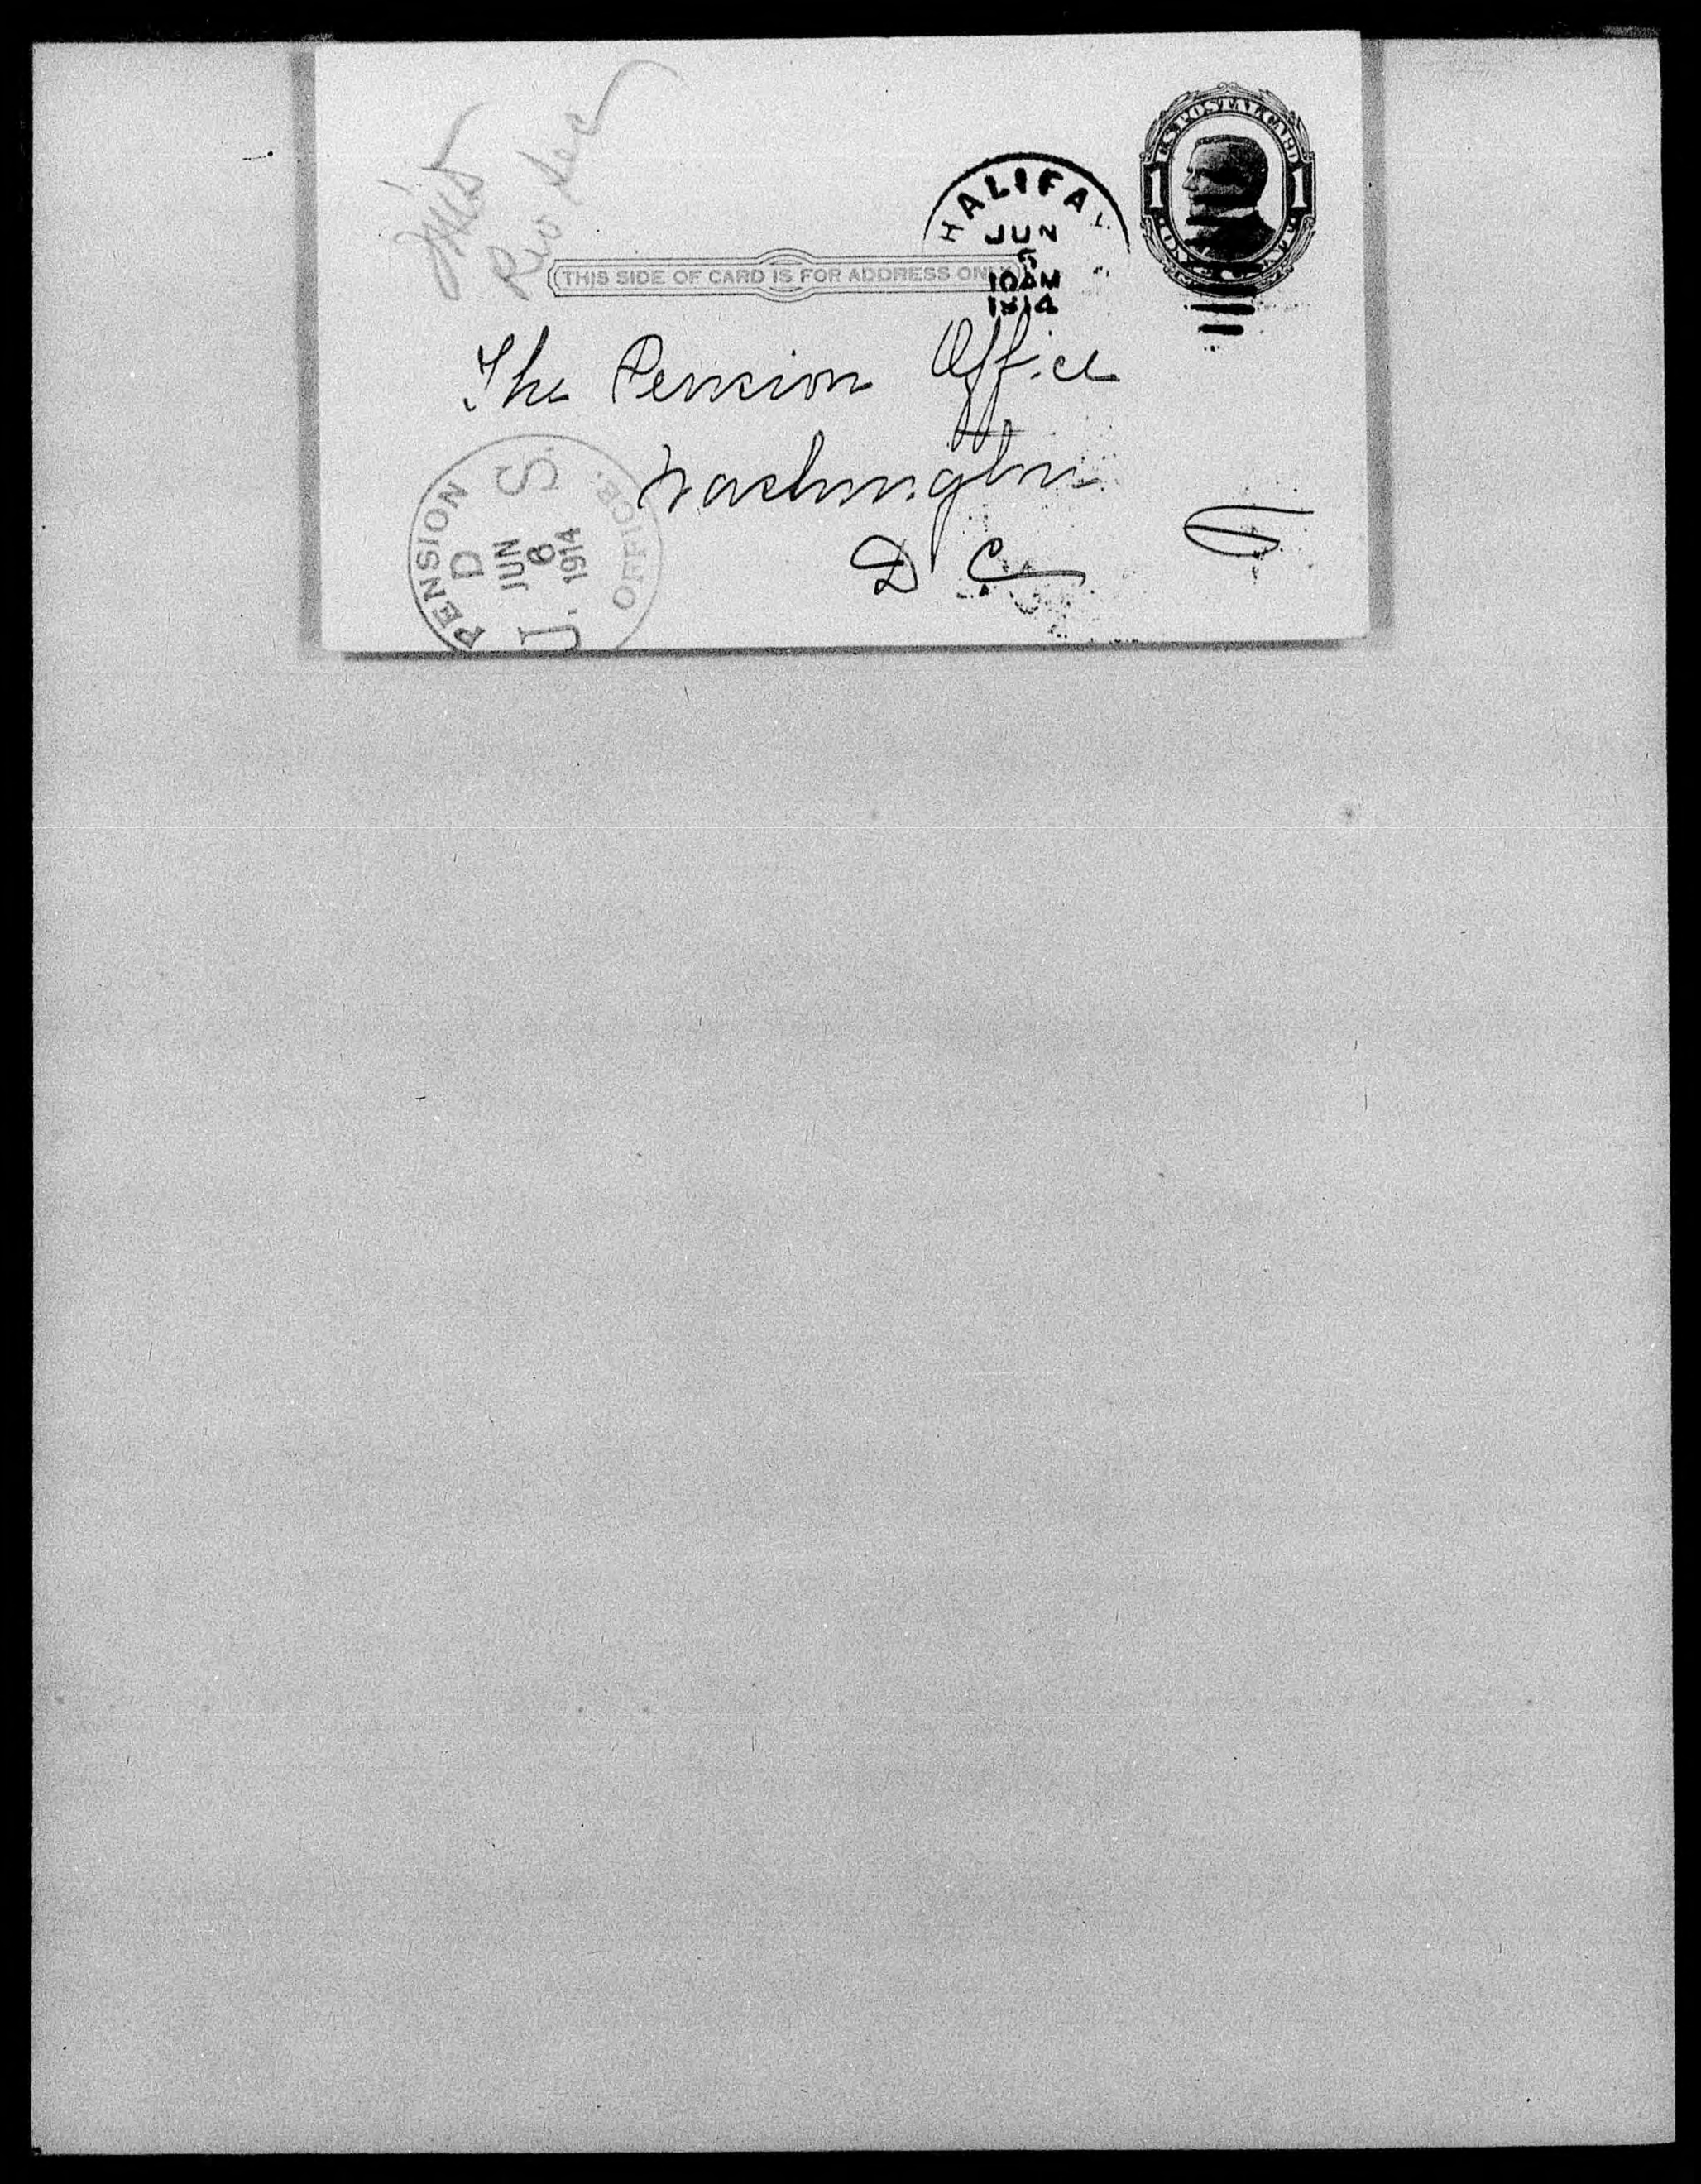Halifax Jun 6 10 AM 1814

This side of card is for address only

The Pension Office
Washington
D.C.

6

[illegible writing in top left hand corner]

U.S. Pension Office
D
June
6
1914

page: 10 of 13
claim: bounty land warrant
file: B. L. Wt. 2455-200, for Thomas Ousby, South Carolina